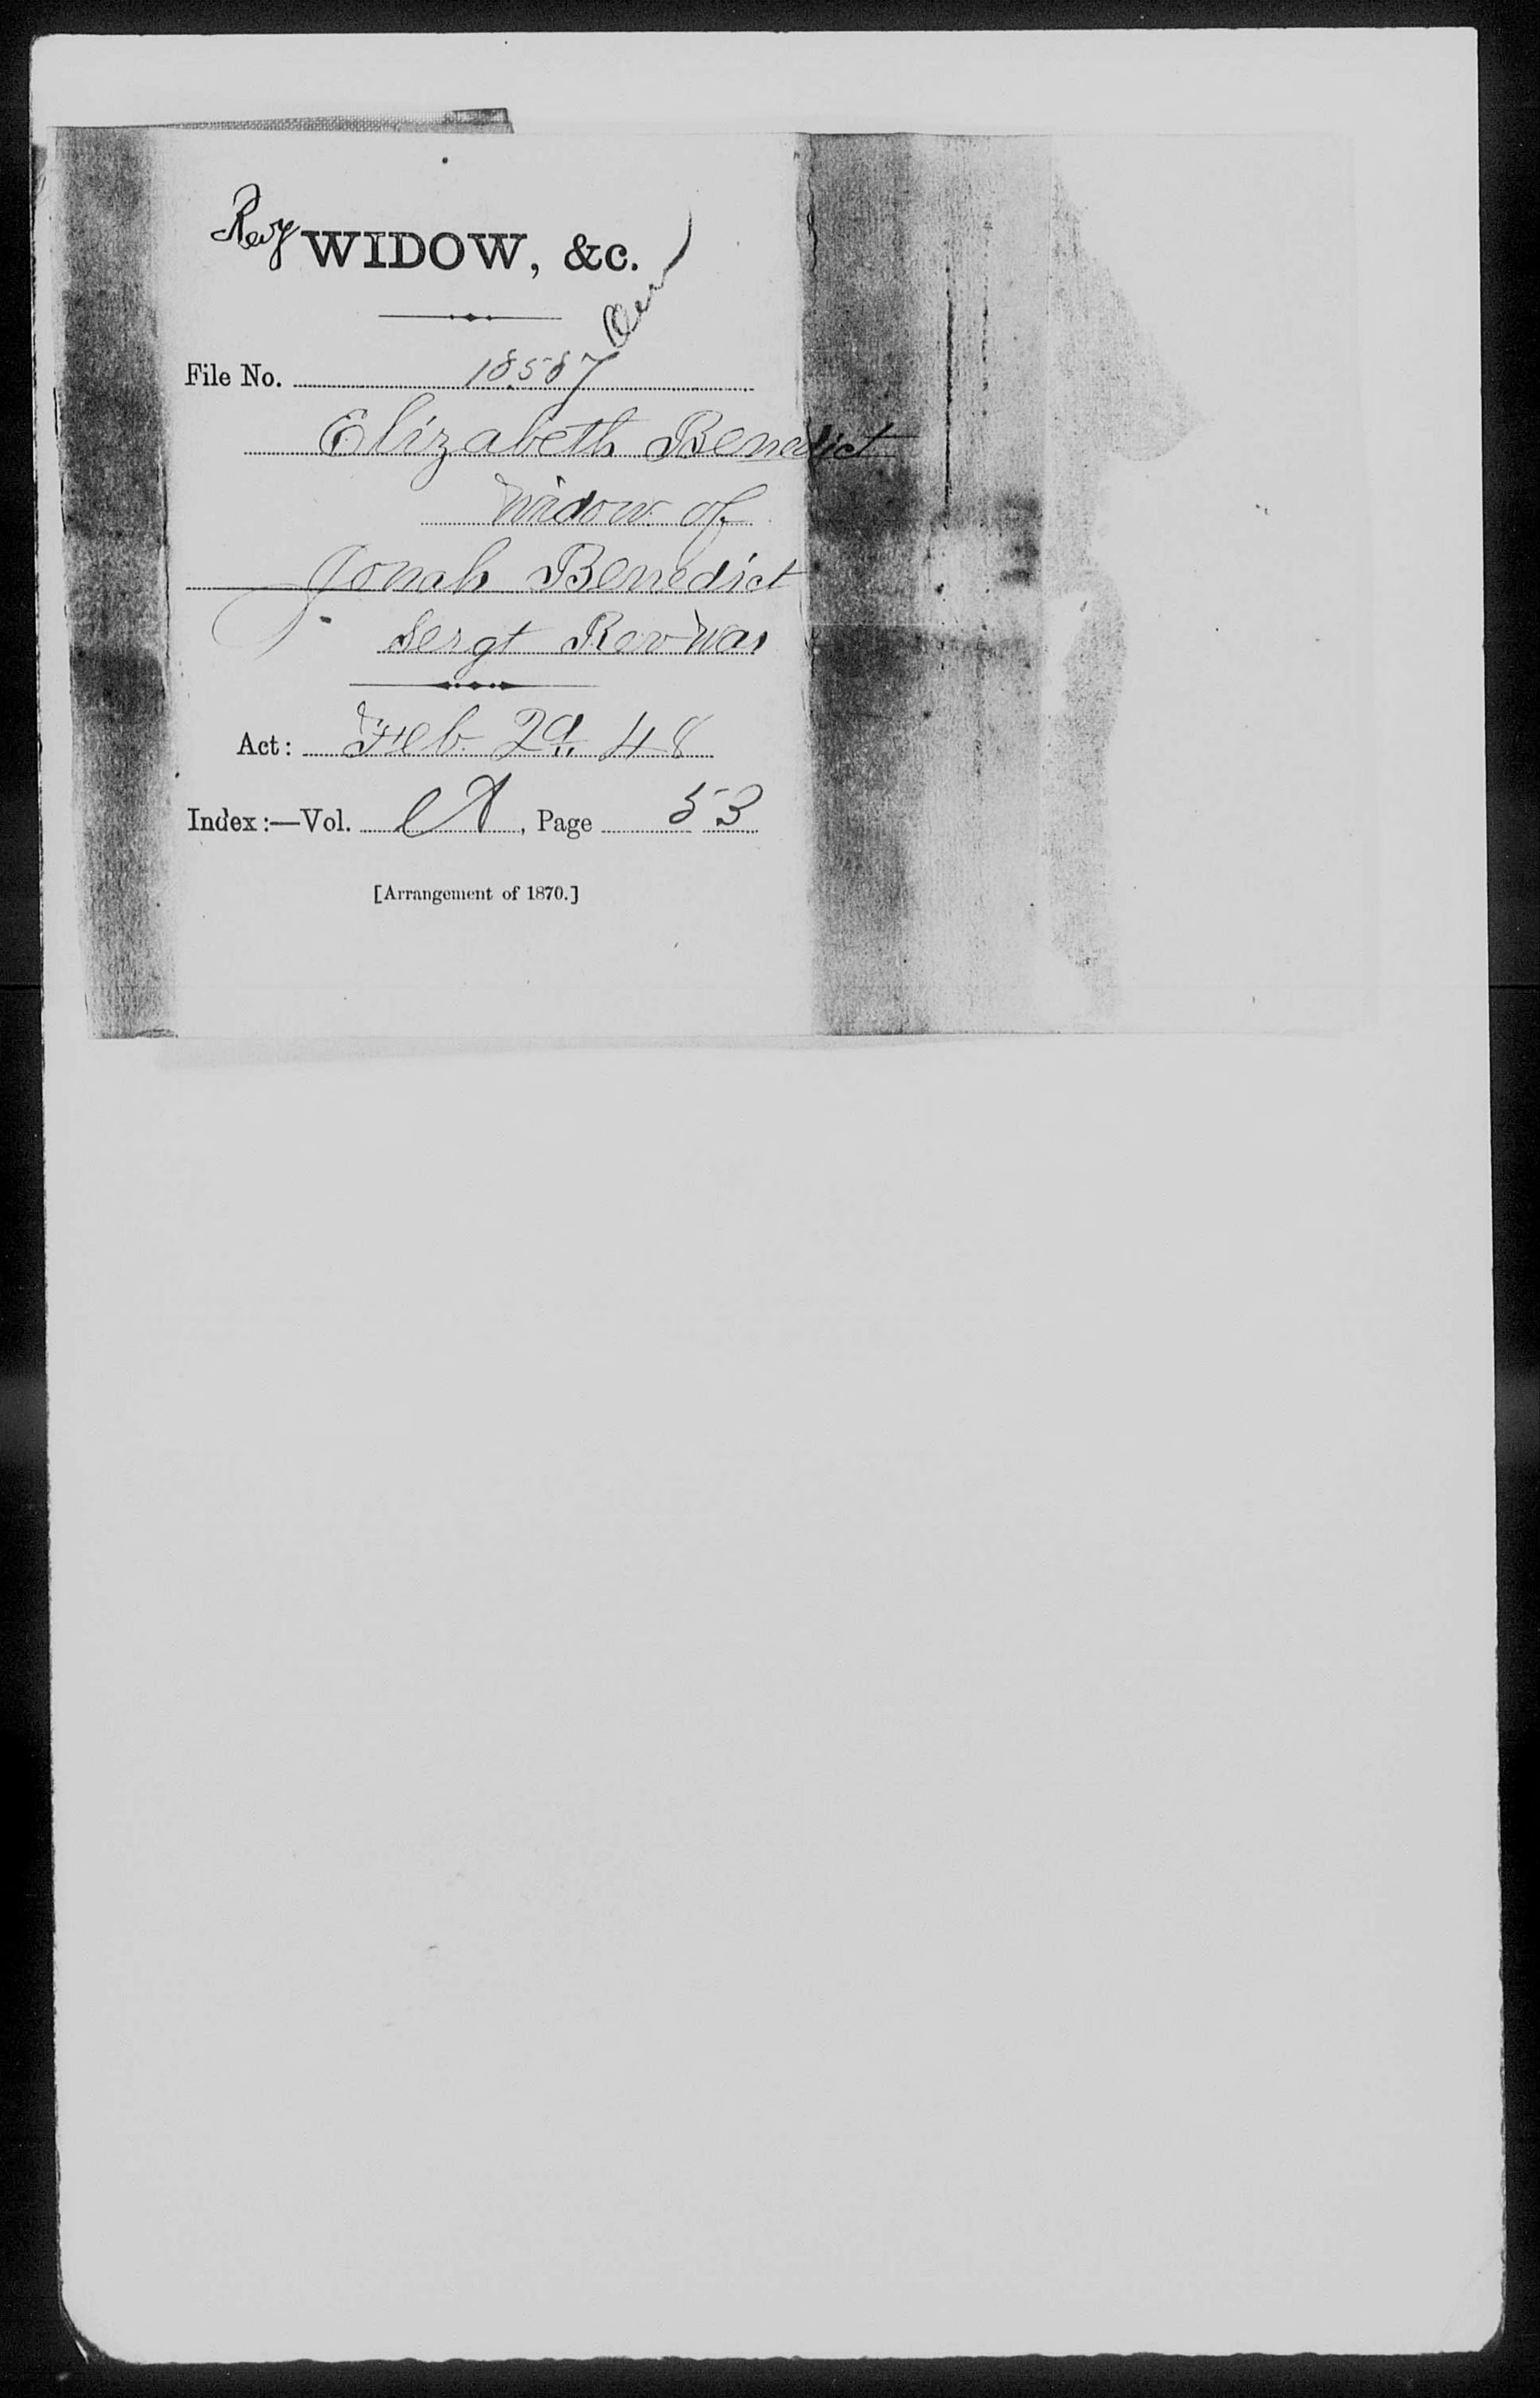Rev WIDOW, &c.
___________________________________ Rec

File No.  18587
Elizabeth Benedict
Widow of
Jonah Benedict
Sergt Rev war
         ______________

Act: Feb 2d 48
Index: -- Vol. A, Page 53

[Arrangement of 1870.]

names: Jonah Benedict, Elizabeth Benedict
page: 52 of 56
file: [ILLEGIBLE], Jonah Benedict, Conn.